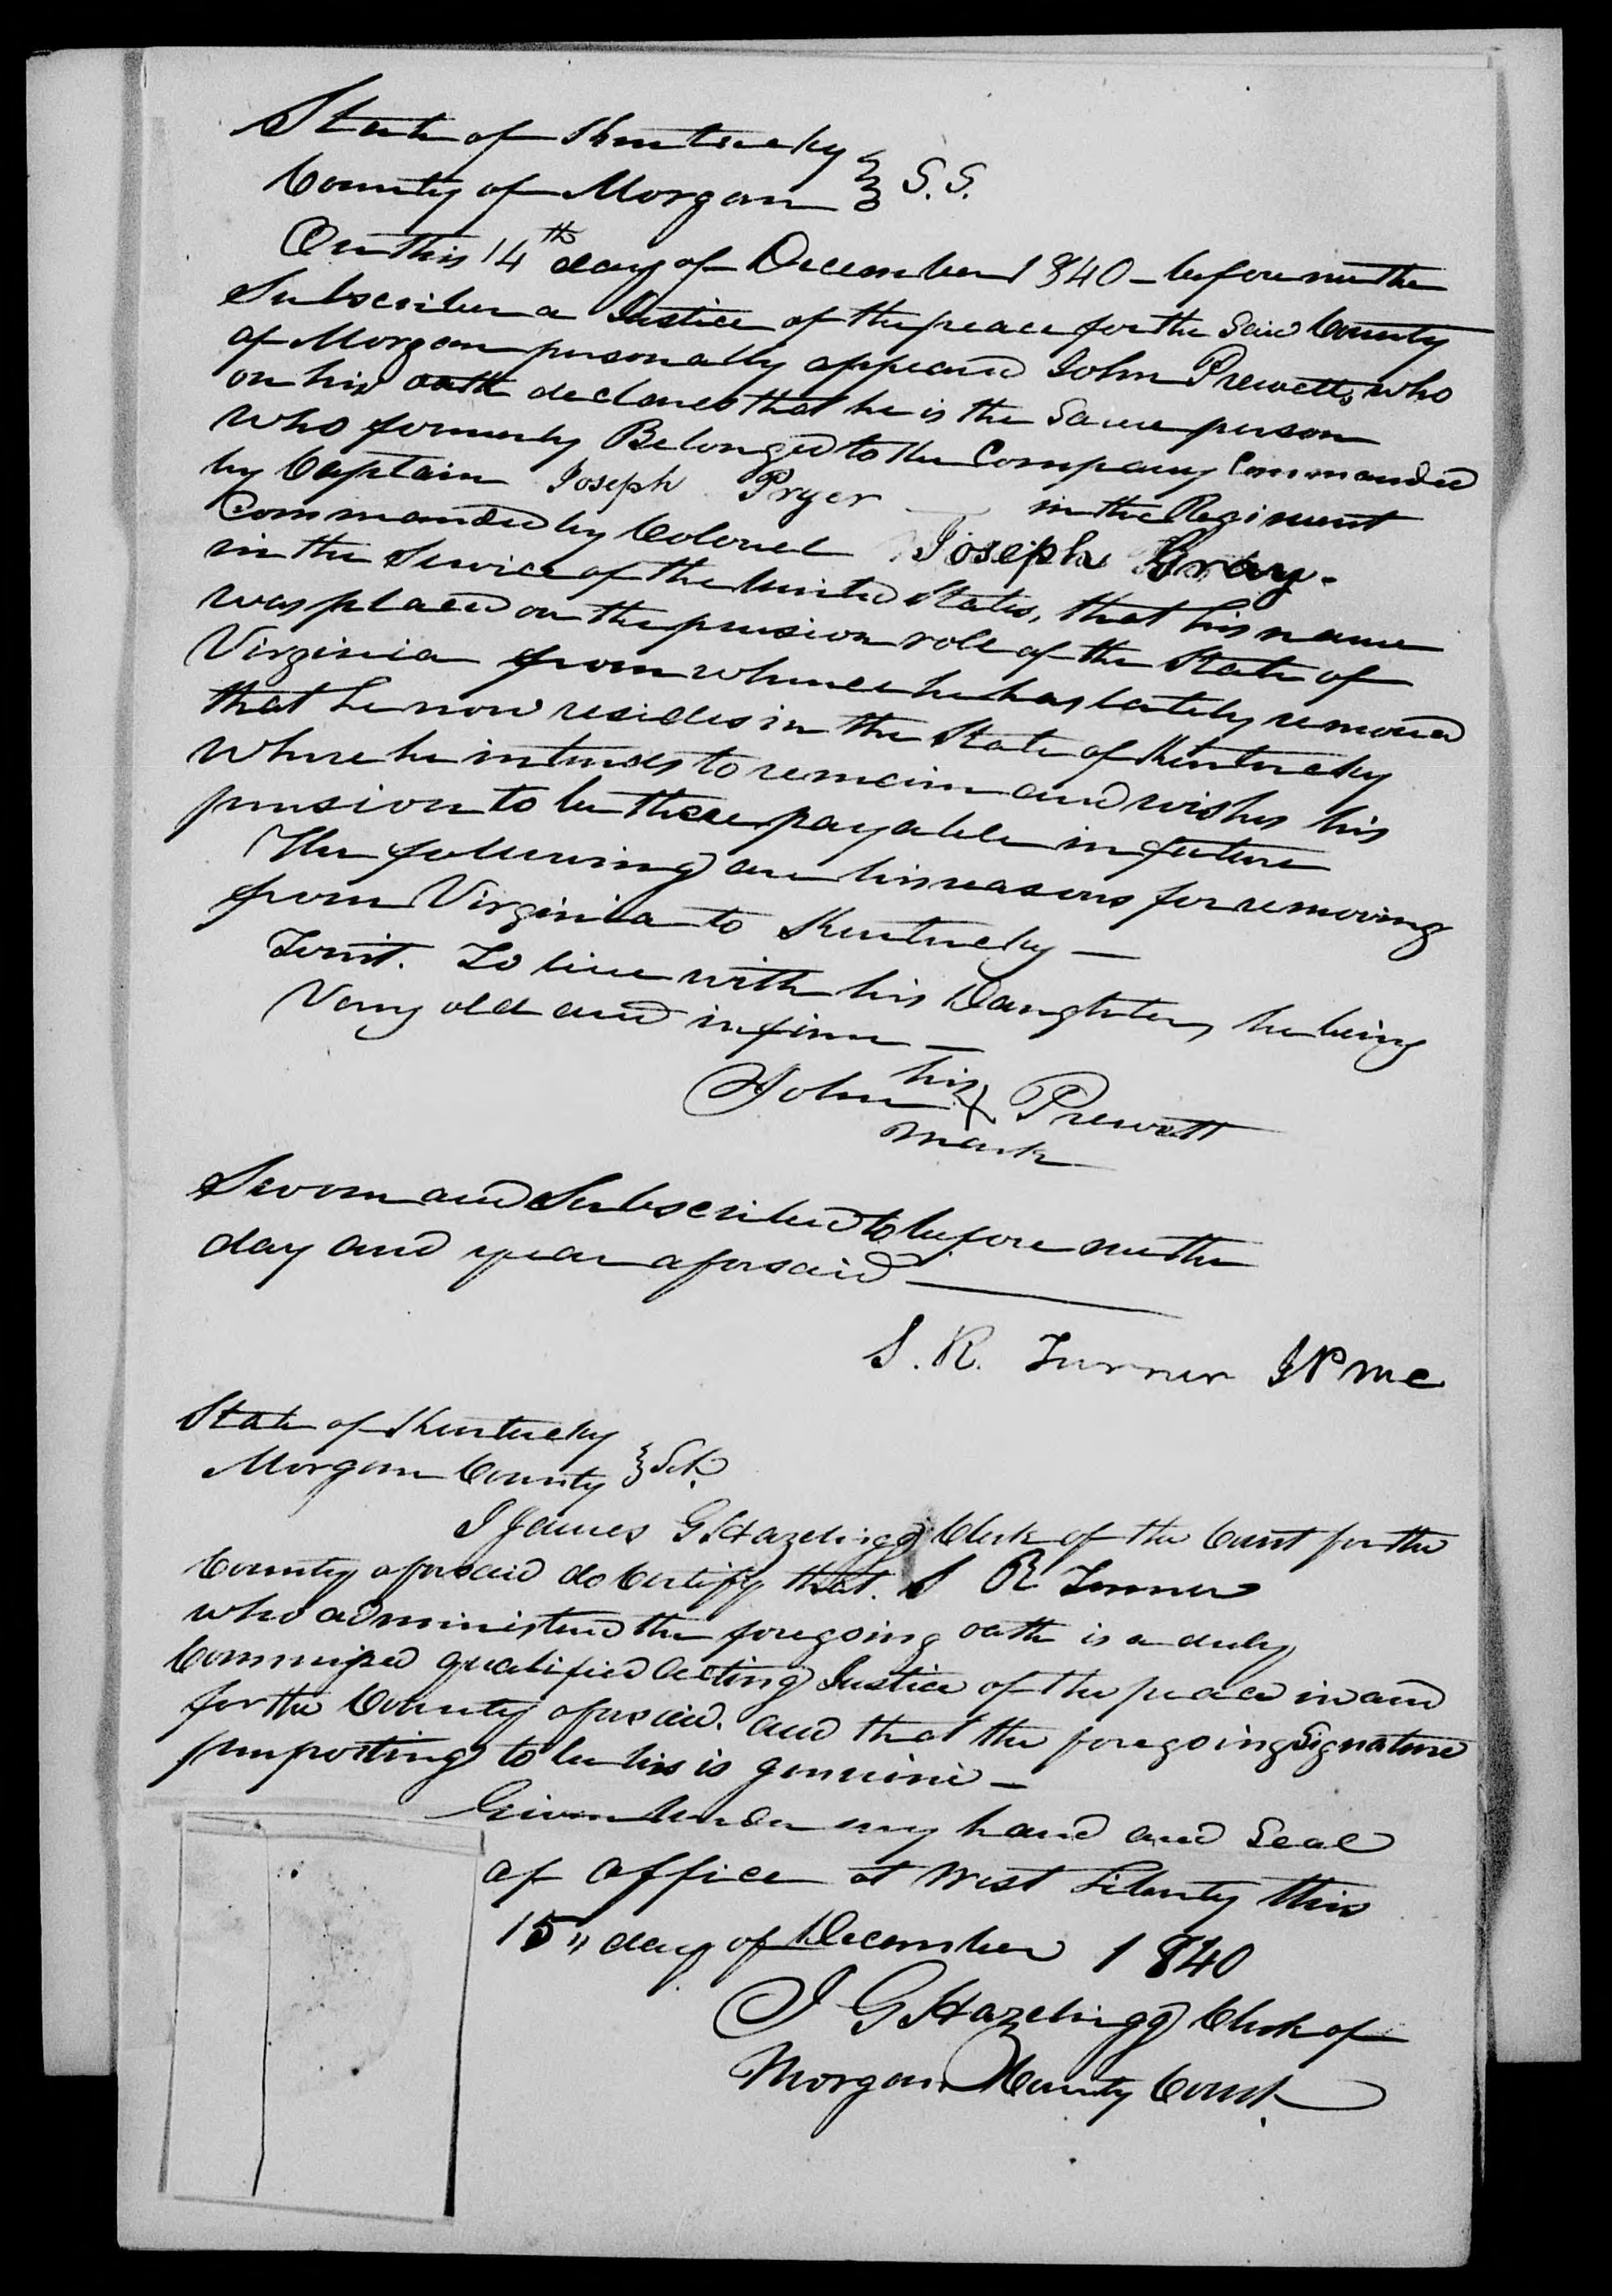State of Kentucky
County of Morgan} S.S.
On this 14th day of December 1840 - before me the Subscriber a Justice of the peace for the Said County of Morgan personally appeared John Prewett, who on his oath declares that he is the same person who formerly Belonged to the Company Commanded by Captain Joseph Pryer - in the Regiment Commanded by Colonel Joseph Gray - in the Service of the United States, that his name was placed on the pension roll of the State of Virginia from whence he has lately removed that he now resides in the State of Kentucky where he intends to remain and wishes his pension to be there payable in future 
The following are his reasons for removing from Virginia to Kentucky -
Towit. To live with his Daughters, he being very old and infirm -
John x his mark Prewett
Sworn and Subscribed before me the day and year aforesaid -
S. R. Turner JPMC

State of Kentucky
Morgan County} Sct.
I James G. Hazelrigg Clerk of the Court for the County aforesaid do Certify that S R Turner who administered the foregoing oath is a duly Commissioned qualified Acting Justice of the Peace in and for the County aforesaid, and that the foregoing signature purporting to be his is genuine - 
Given under my hand and Seal of Office at West Liberty this 15" day of December 1840
J G Hazelrigg Clerk of
Morgan County Court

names: James G Hazelrigg; John Prewett; Joseph Pryer; S R Turner; Joseph Gray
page: 11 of 35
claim: survivor's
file: S. 30,665, for John Prewett, Virginia